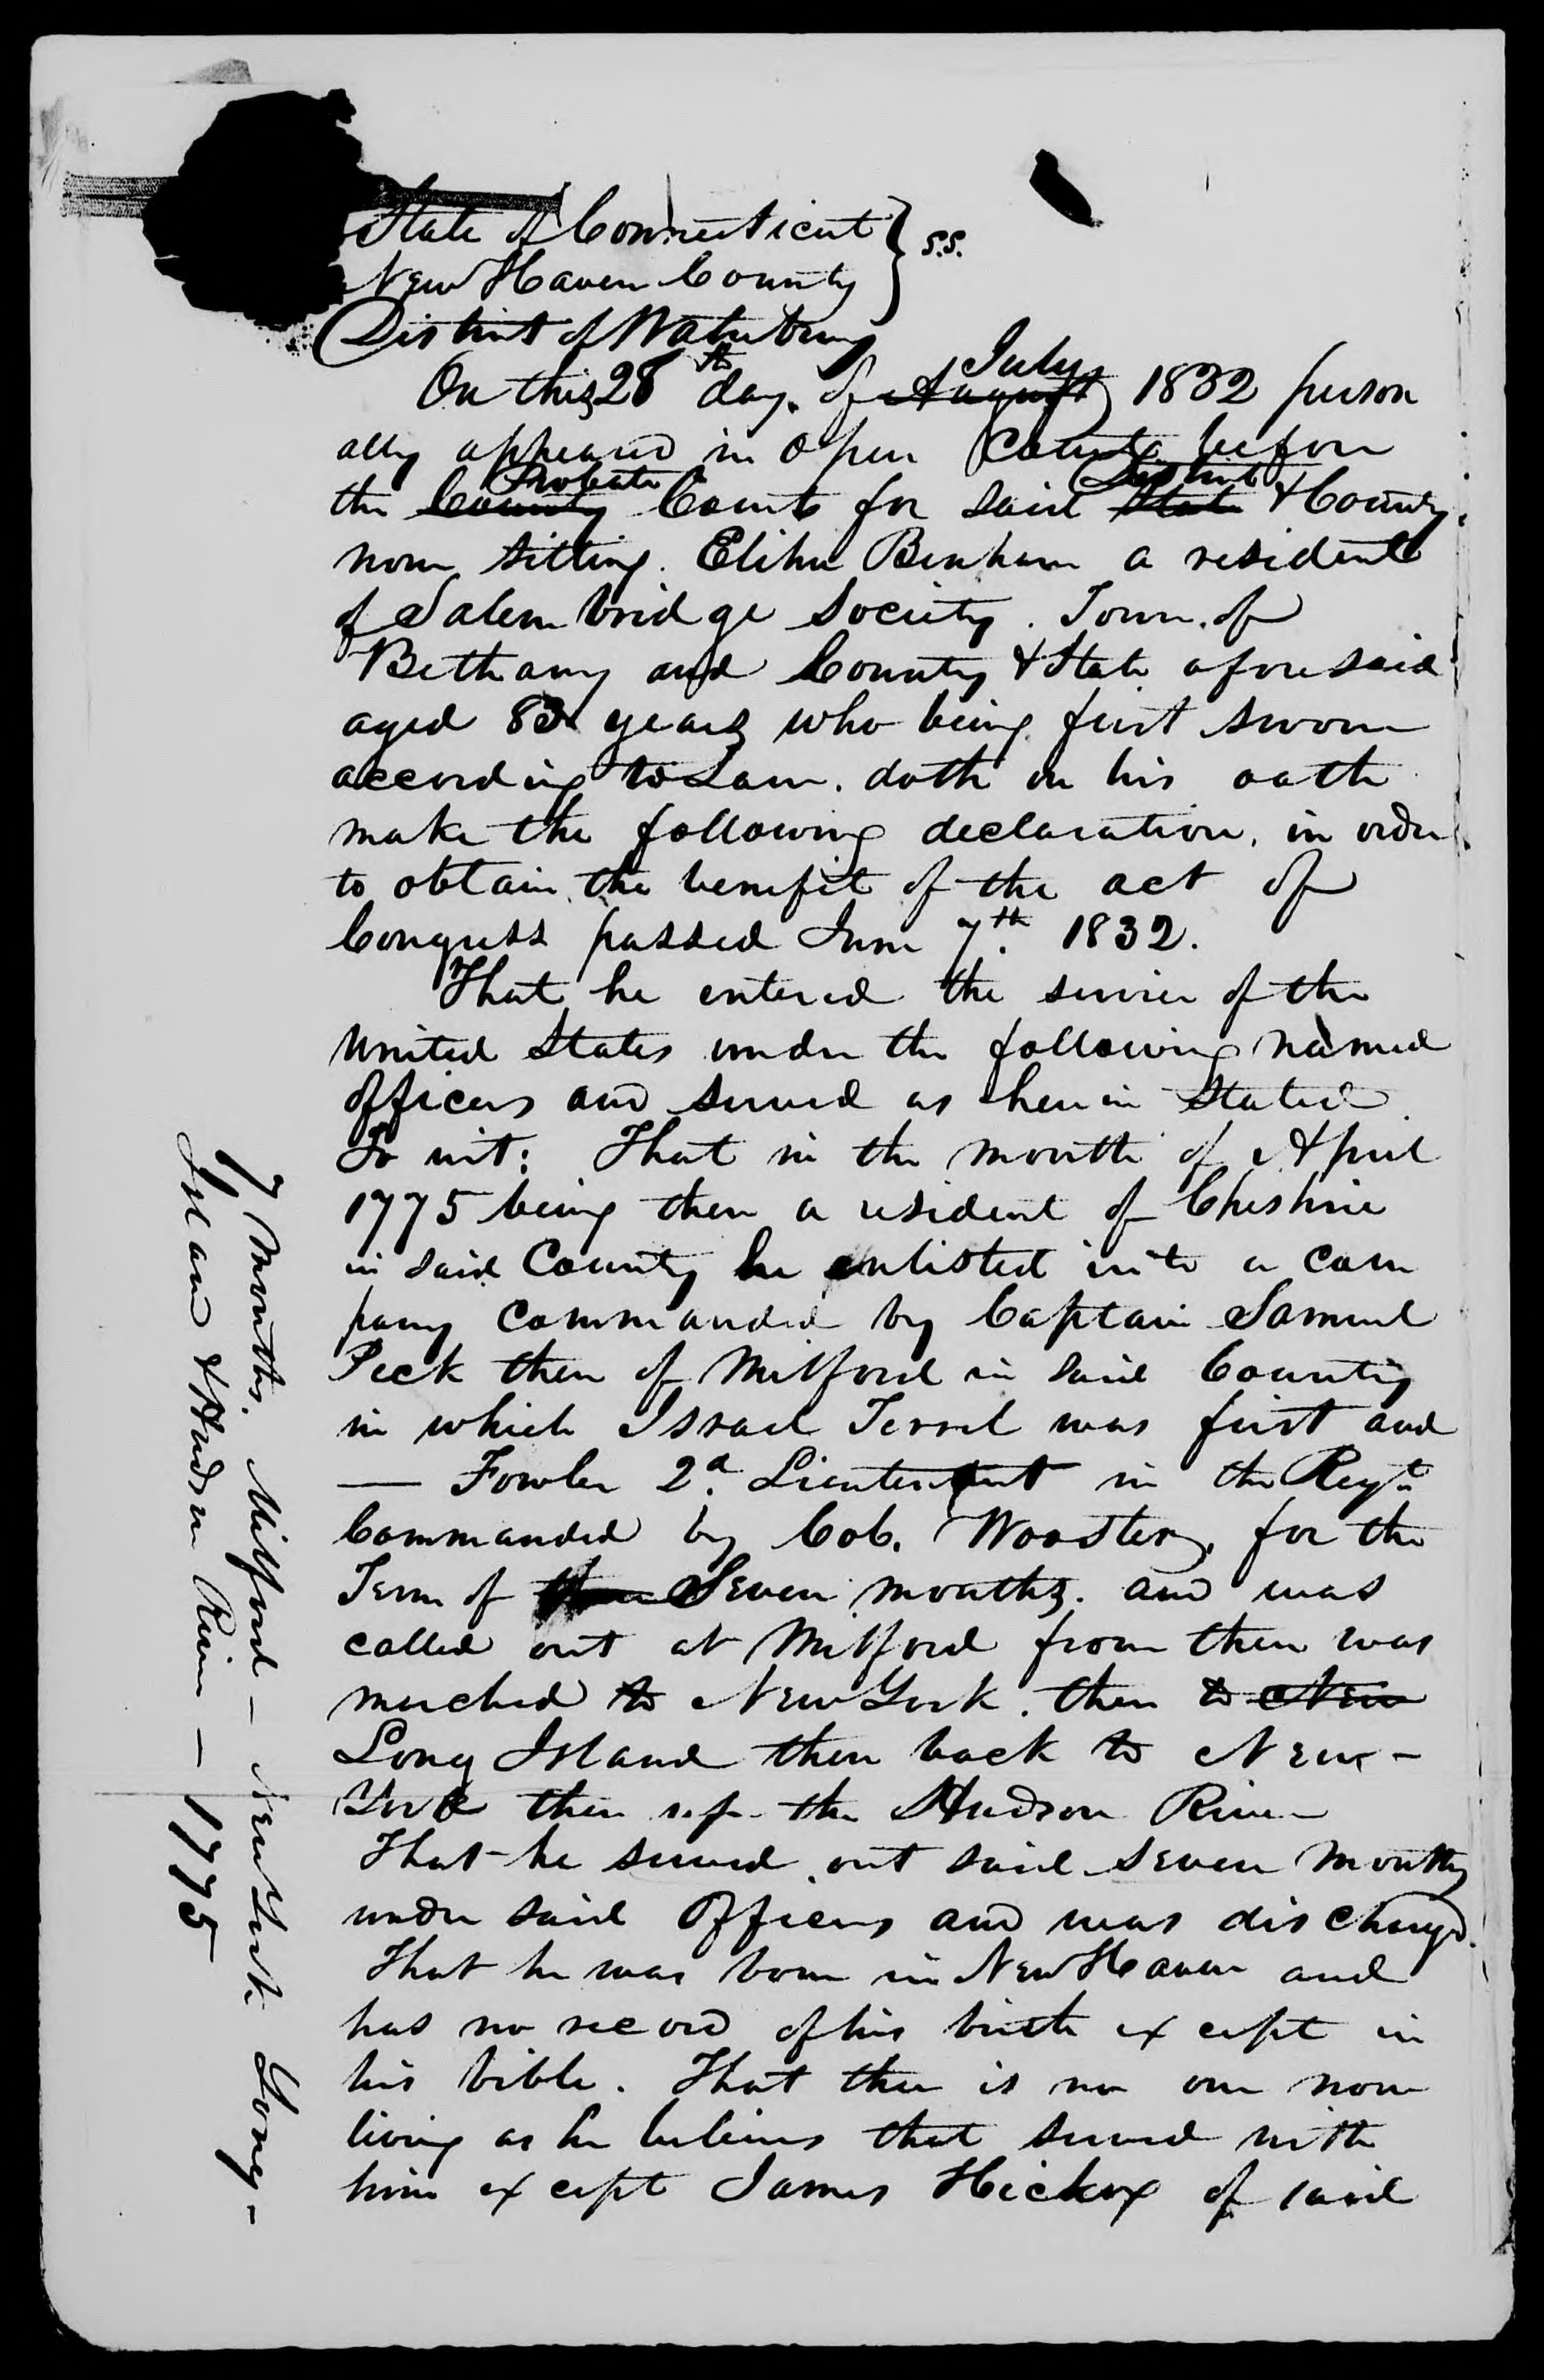7 months. Milford - New York - Longe Island - Hudson River - 1775 [in margin] ┃

State of Connecticut  New Haven County District of Waterbury } S.S.

On this 28th day of July 1832 personally appeared in open court before the County [crossed-out] Probate Court for said District and County now sitting, Elihu Benham a resident of Salembridge Society. Town of Bethany and County & State aforesaid aged 83 years who being first sworn according to Law, doth on his oath make the following declaration, in order to obtain the benefit of the act of Congress passed June 7th 1832 
That he entered the service of the United States under the following named officers and served as herein stated To wit: That in the month of April 1775 being then a resident of Cheshire in said County he enlisted into a company commanded by Captain Samuel Peck then of Milford in said County in which Israel Terrill was first and --- Fowler 2d Lieutenant in the Regt Commanded by Col Wooster for the Term of Seven months and was called out at Milford from then was marched to New York then to Long Island then back to New York and then up the Hudson River 
That he served out said seven months under said officers and was discharged That he was born in New Haven and has no record of his birth except in his bible. That there is no one now living as he believes that served with him except James Hickey of said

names: Elihu Benham, Israel Terril, Samuel Peck, James Hickox, Wooster, Fowler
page: 4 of 45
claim: survivor's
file: S. 15748, Elihu Benham, Conn.